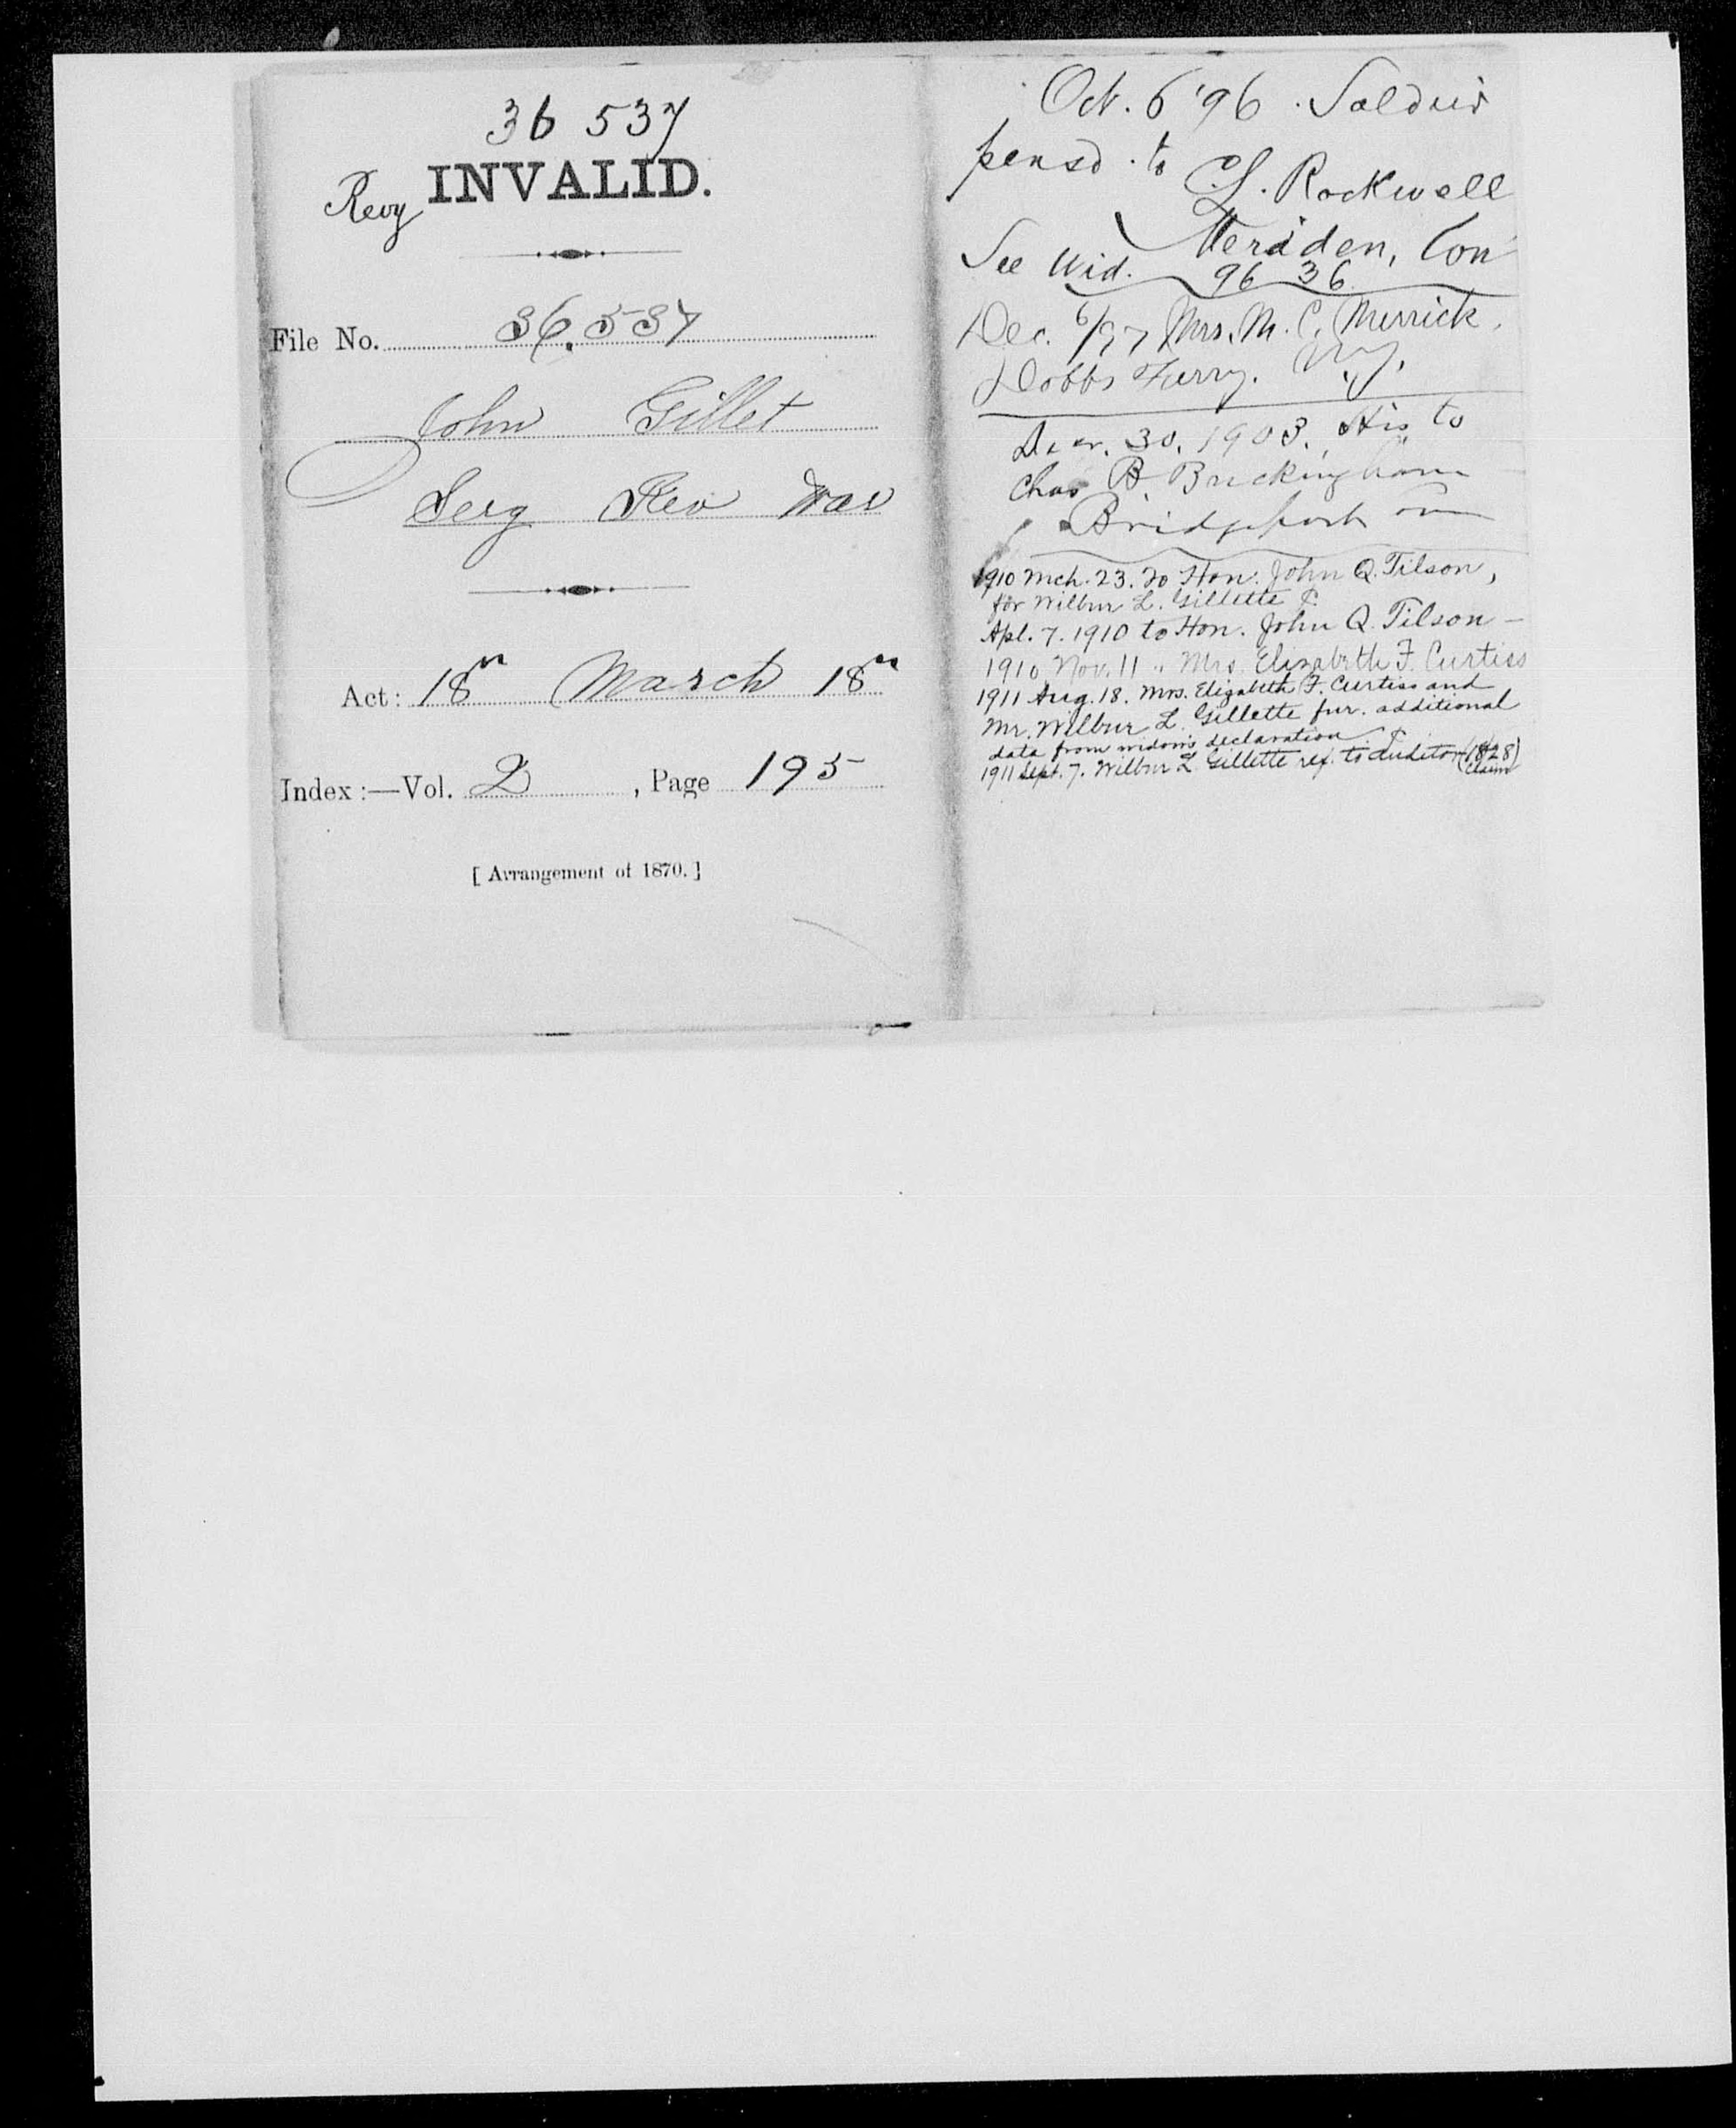[LEFT PAGE]


       36 537
     INVALID.

File No,    36,537
 John Gillet
Serg  Rev  War

Act: 18" March 18"
Index: - Vol. D.,  Page 195

[Arrangement of 1870.]


[RIGHT PAGE]


Oct. 6 '96  Soldier
pensd to C.L. Rockwell
Meriden, Con
See wid.  96  36
_____________________________
Dec. 6/97  Mrs. M. C. Merrick
Dobbs Ferry, N.Y.
_______________________________
Decr. 3rd, 1903.  His to
Chas B. Buckingham
Bridgeport Conn
_______________________________
1910  ch 23 to Hon John Q. Tilson,
  for Wilber L Gillette Etc.

Apl. 7. 1910 to Hon. John Q. Tilson -
1910  Nov. 11 "  Mrs. Elizabeth F. Curtiss
1911 Aug. 18.  Mrs. Elizabeth F. Curtiss and
  Mr. WIlbur l. Gillette fur. additional
      data from widow's declaration
1911 Sept. 7.  Wilbur L. Gillette ref. to auditor 
    (1828)  claim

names: Wilbur L Gillette, Chas B Buckingham, Wilbur L Gillette, C L Rockwell, M C Merrick, Elizabeth F Curtiss, John Q Tilson, John Q Tilson, Elizabeth F Curtiss, John Gillett, Wilbur L Gillette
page: 14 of 40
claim: survivor's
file: S. 36,537 And R. 4034, John Gillet, Conn.